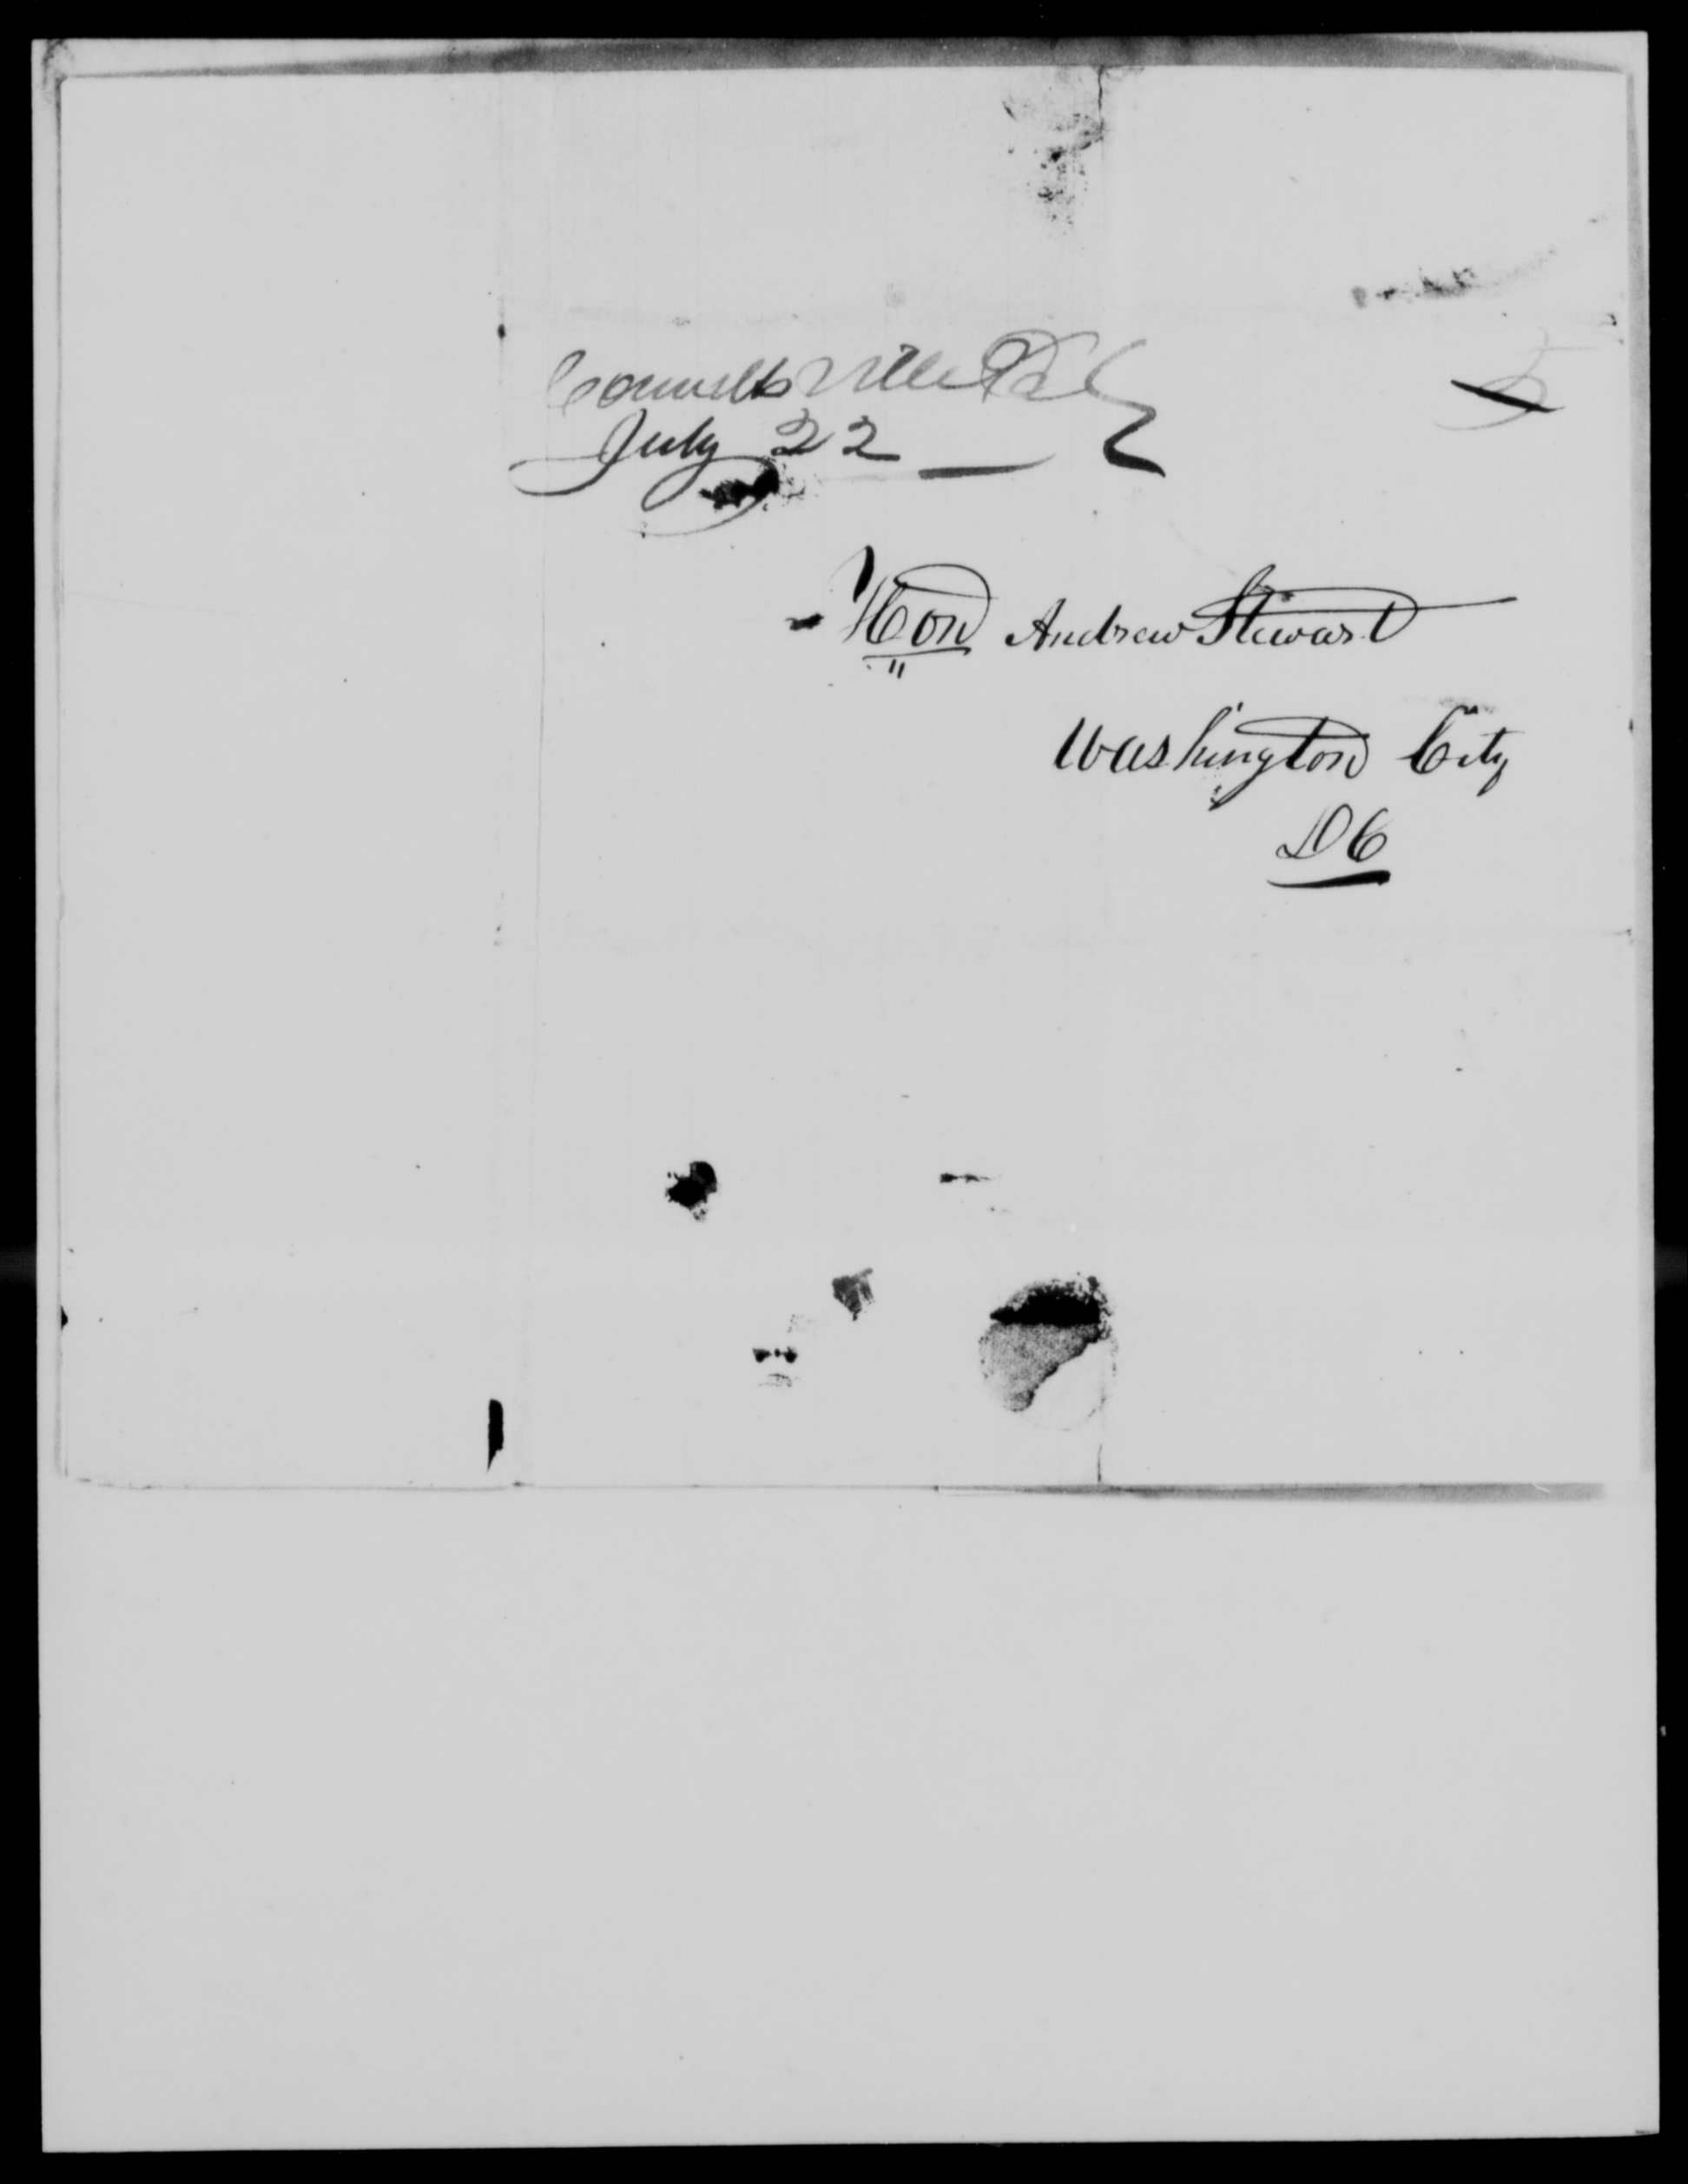Connelsville [illegible, possibly Penn]
July 22

Hon Andrew Stewart
Washington City
DC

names: Andrew Stewart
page: 50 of 73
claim: widow's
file: W. 3197, for Peter Stillwagon, New Jersey